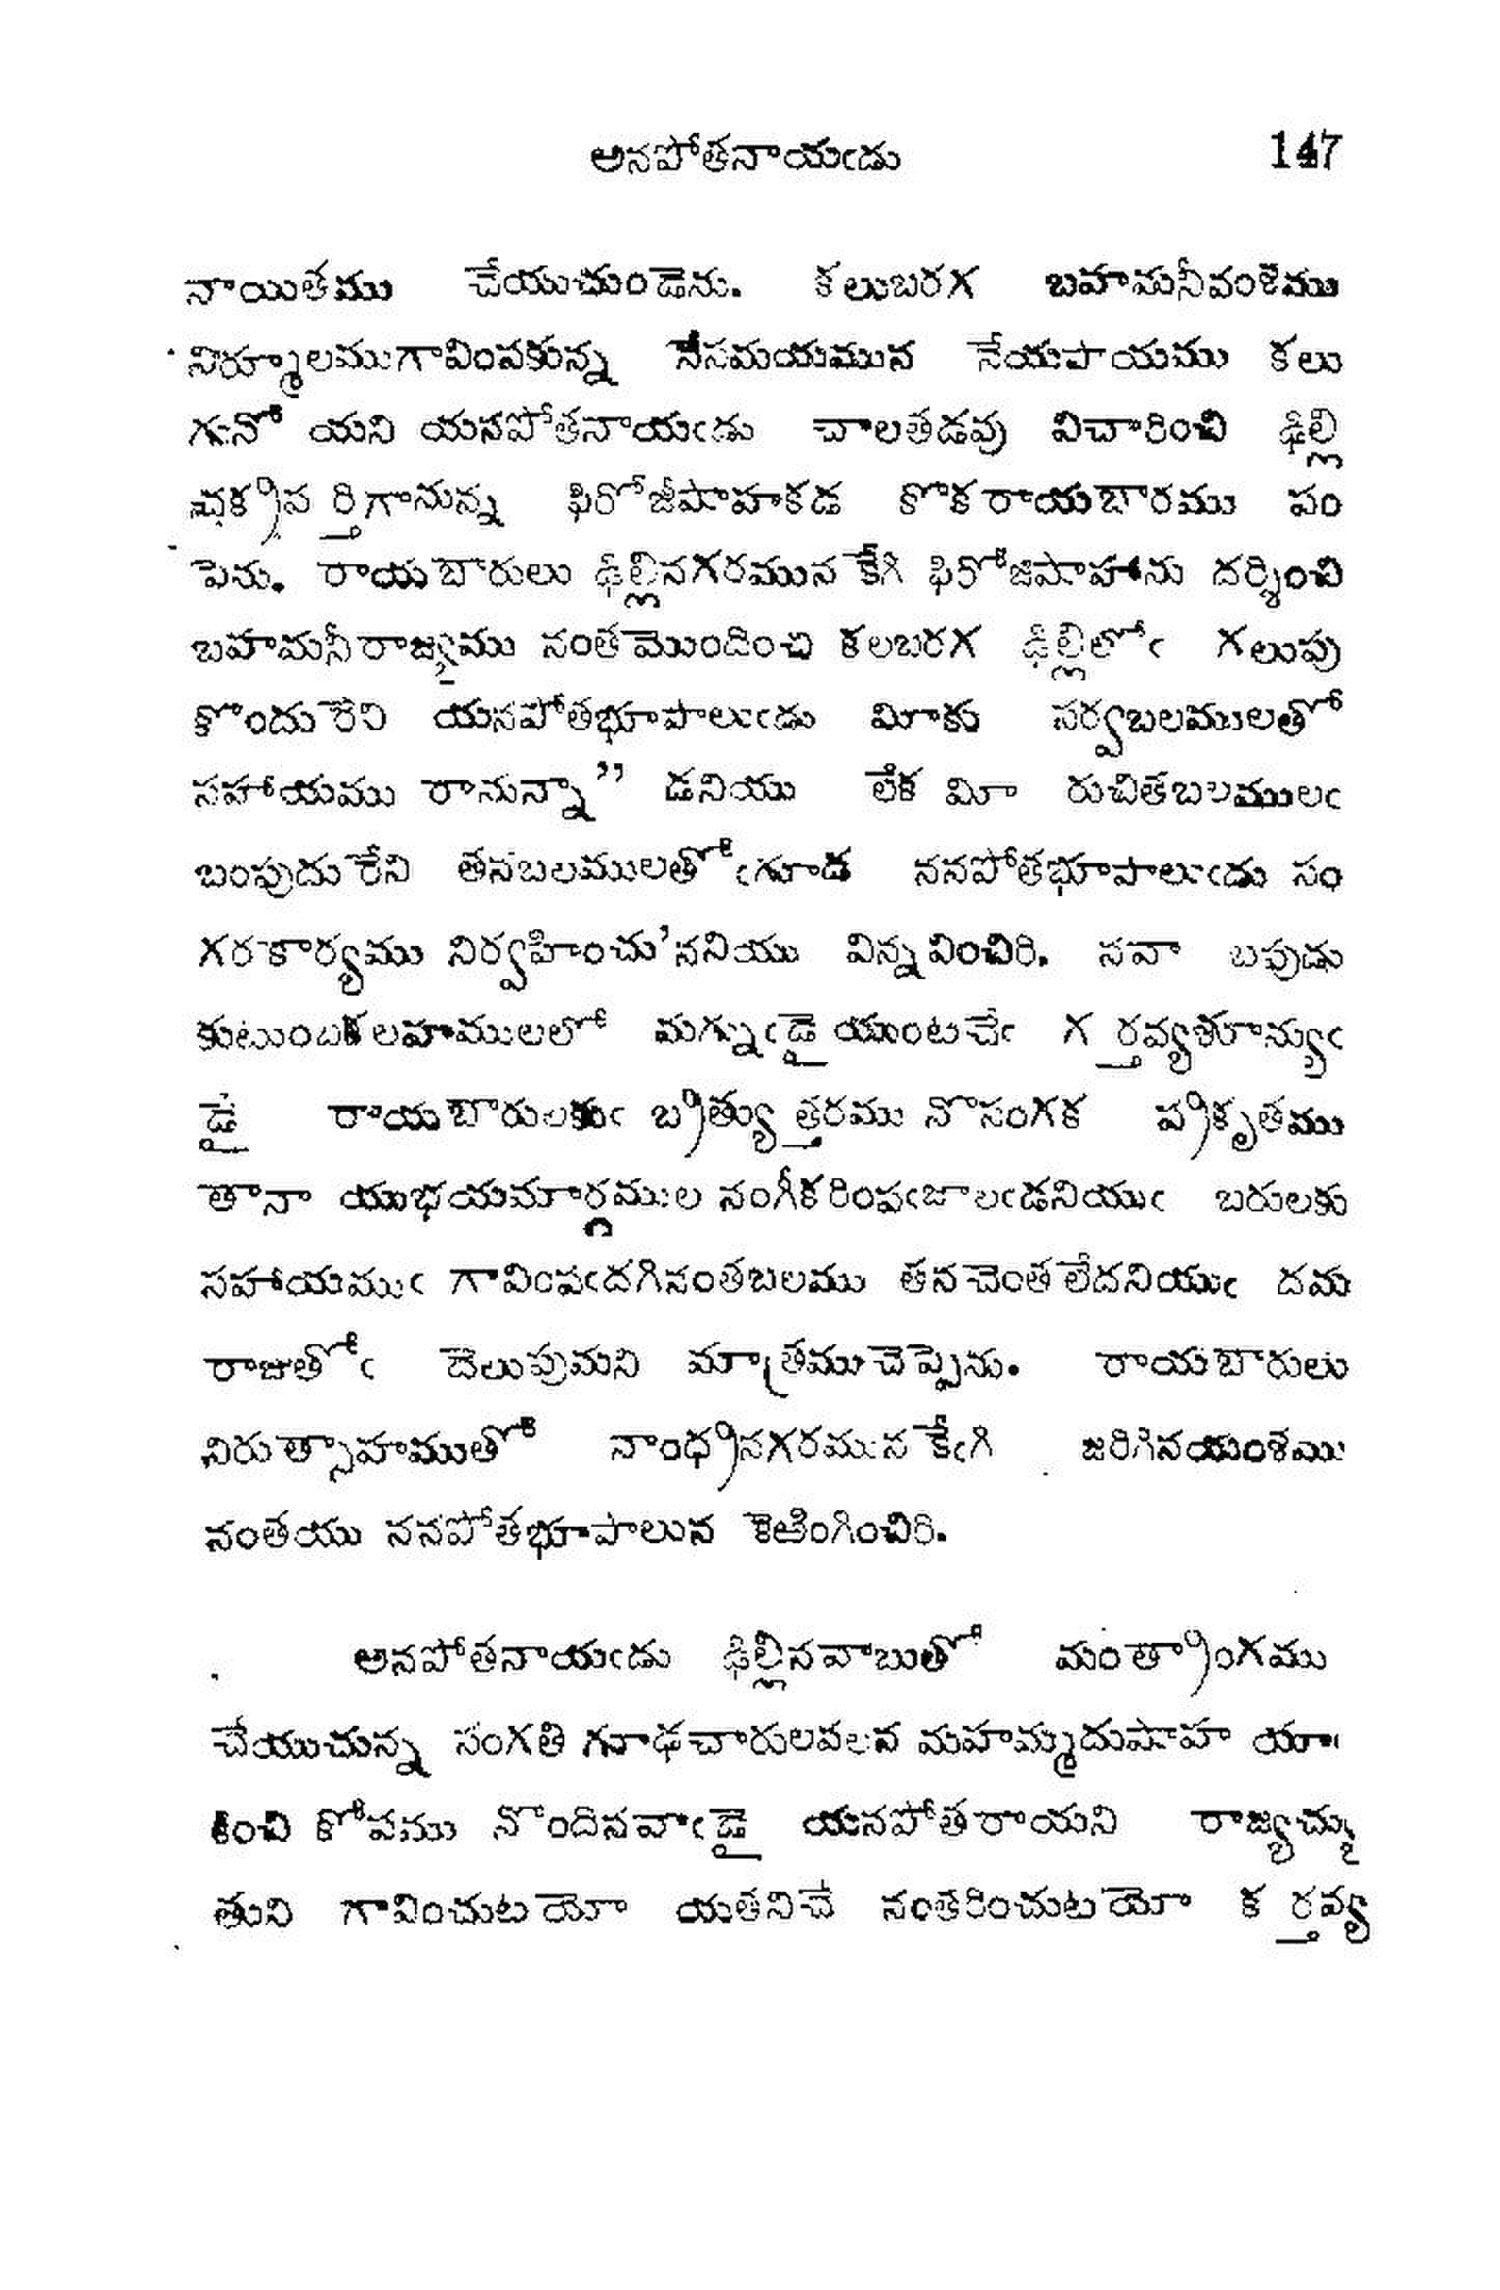నాయితము చేయుచుండెను. కలుబరగ బహమనీవంశము నిర్మూలముగావింపకున్న నేసమయమున నేయపాయము కలుగునో యని యనపోతనాయడు చాలతడవు విచారించి డిల్లి చక్రవర్తిగానున్న ఫిరోజీషాహకడ కొకరాయబారము పంపెను. రాయబారులు డిల్లినగరమున కేగి ఫిరోజిషాహాను దర్శించి బహమనీ రాజ్యము నంతమొందించి కలబరగ డిల్లిలో గలుపుకొందురేని యనపోతభూపాలుడు మీకు సర్వబలములతో సహాయము రానున్నా" డనియు లేక మీ రుచితబలముల బంపుదురేని తనబలములతోగూడ ననపోతభూపాలుడు సంగరకార్యము నిర్వహించు'ననియు విన్నవించిరి. నవా బపుడు కుటుంబకలహములలో మగ్నుడైయుంటచే గర్తవ్యశూన్యుడై రాయబారులకు బ్రత్యుత్తరము నొసంగక ప్రకృతము తానా యుభయమార్గముల నంగీకరింప జాలడనియు బరులకు సహాయము గావింపదగినంతబలము తనచెంతలేదనియు దమరాజుతో దెలుపుమని మాత్రముచెప్పెను. రాయబారులు నిరుత్సాహముతో నాంధ్రనగరమునకేగి జరిగినయంశము నంతయు ననపోతభూపాలున కెఱింగించిరి.

అనపోతనాయడు డిల్లినవాబుతో మంత్రాంగము చేయుచున్న సంగతి గూడచారులవలన మహమ్మదుషాహ యాలకించి కోపము నొందినవాడై యనపోతరాయని రాజ్యచ్యుతుని గావించుటయో యతనిచే నంతరించుటయో కర్తవ్య